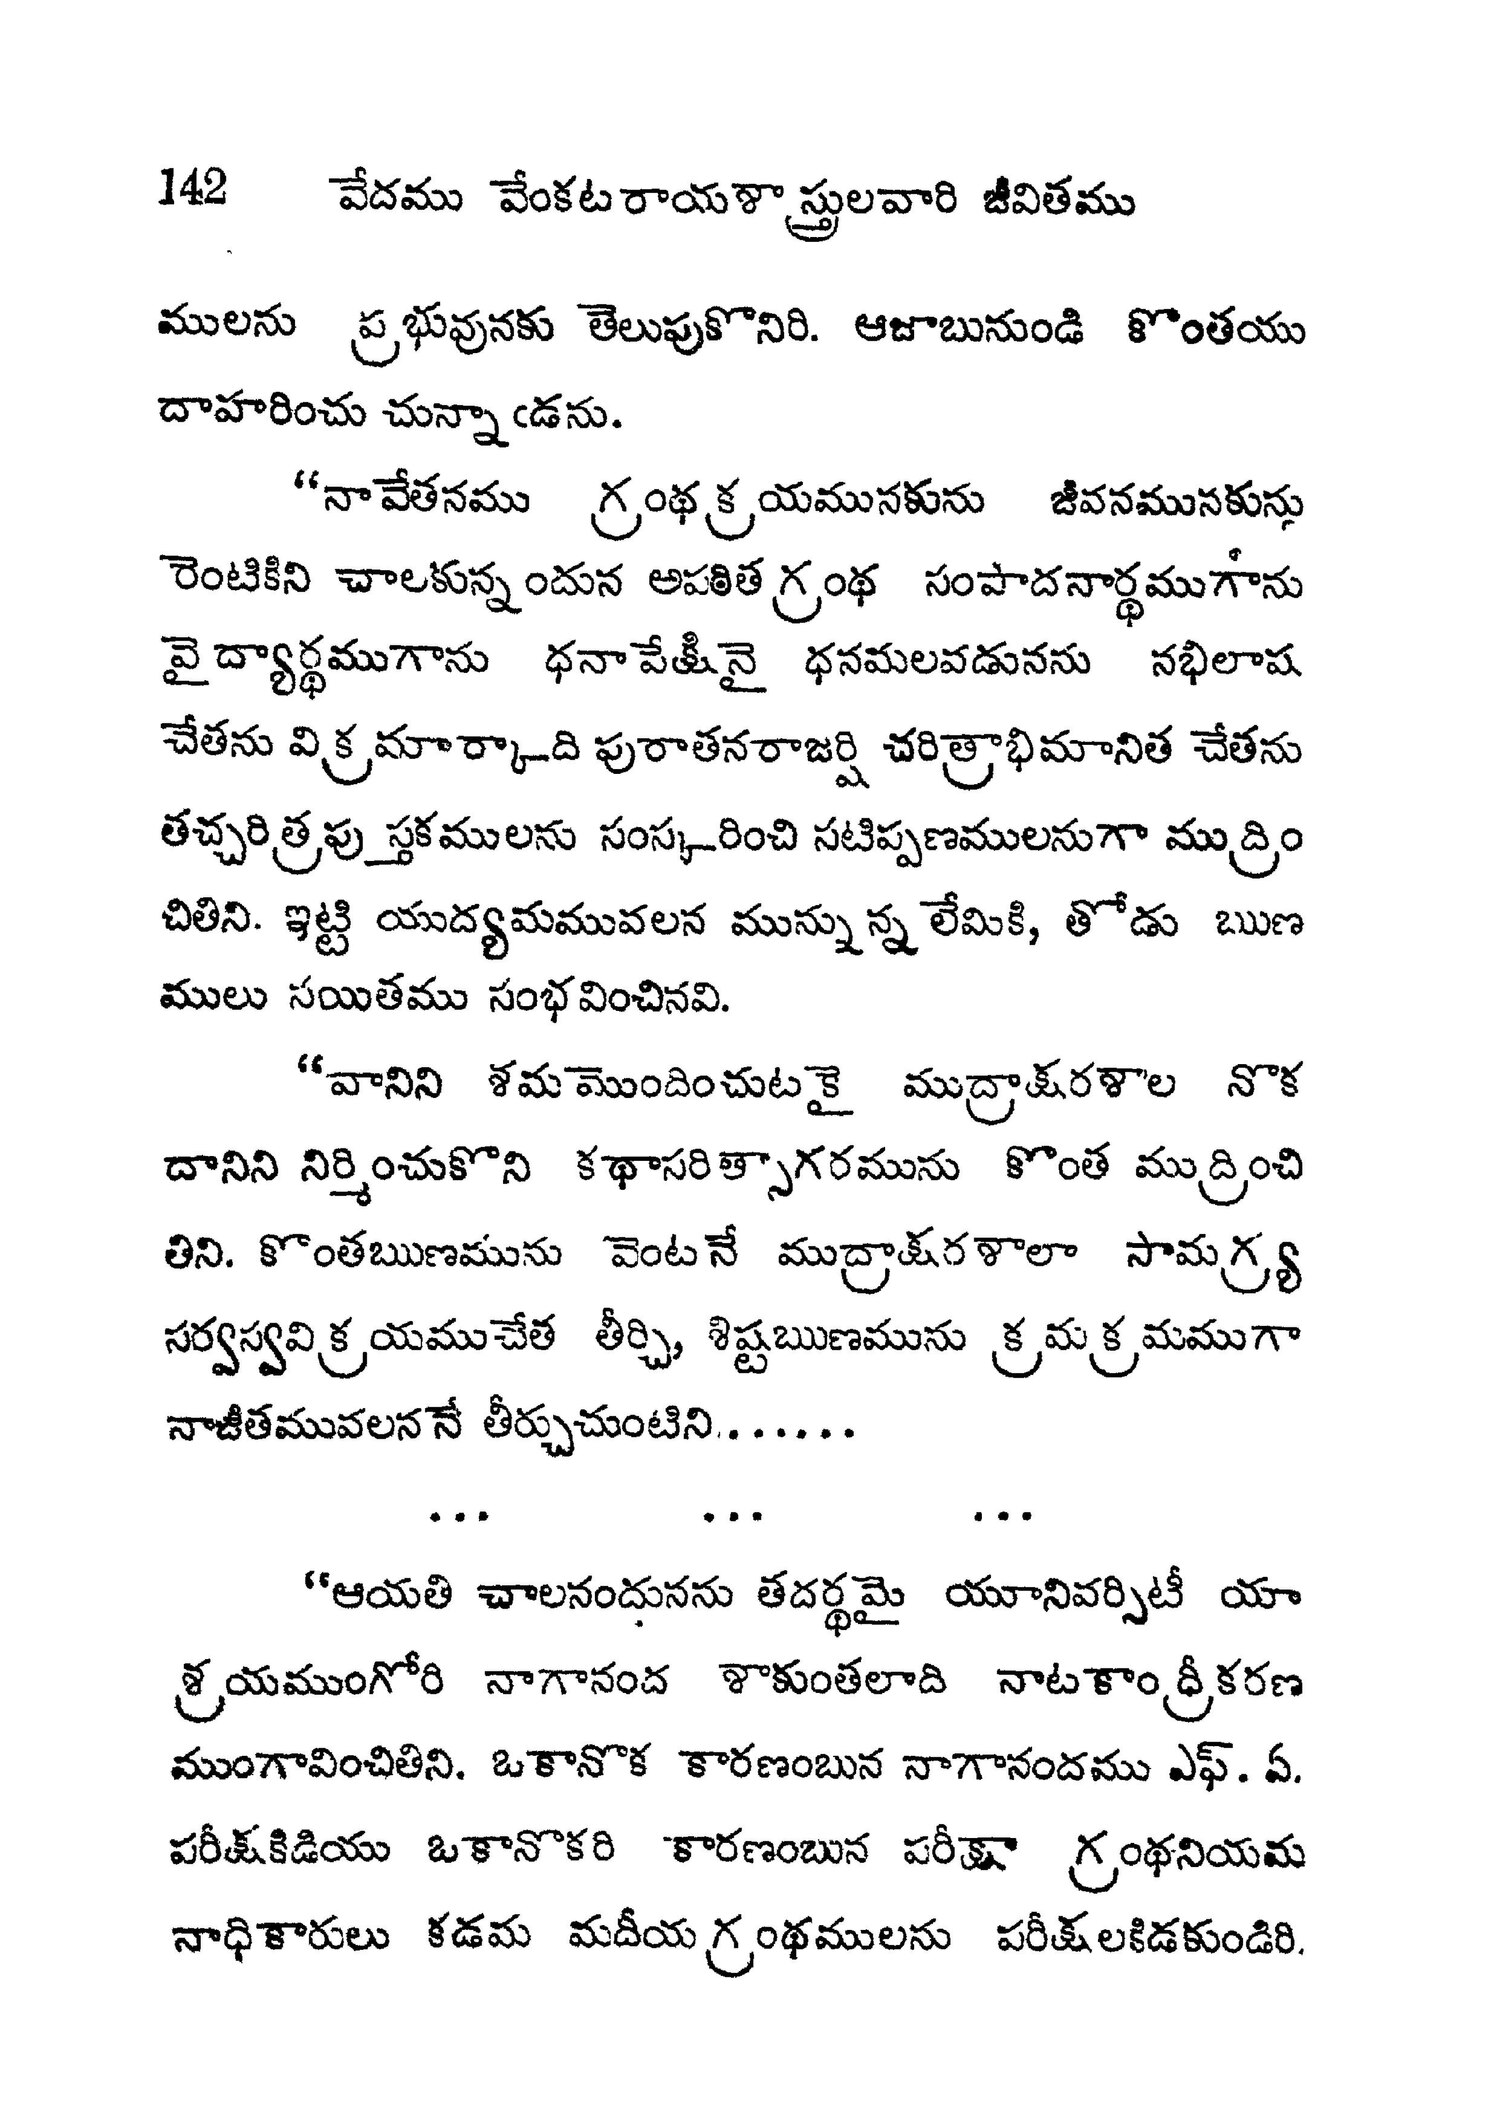ములను ప్రభువునకు తెలుపుకొనిరి. ఆజాబునుండి కొంతయుదాహరించు చున్నాడను.

"నావేతనము గ్రంథక్రయమునకును జీవనమునకును రెంటికిని చాలకున్నందున అపఠిత గ్రంథ సంపాదనార్థముగాను వైద్యార్థముగాను ధనాపేక్షినై ధనమలవడునను నభిలాషచేతను విక్రమార్కాది పురాతనరాజర్షి చరిత్రాభిమానిత చేతను తచ్చరిత్రపుస్తకములను సంస్కరించి సటిప్పణములనుగా ముద్రించితిని. ఇట్టి యుద్యమమువలన మున్నున్నలేమికి, తోడు ఋణములు సయితము సంభవించినవి.

"వానిని శమమొందించుటకై ముద్రాక్షరశాల నొక దానిని నిర్మించుకొని కథాసరిత్సాగరమును కొంత ముద్రించితిని. కొంతఋణమును వెంటనే ముద్రాక్షరశాలా సామగ్ర్యసర్వస్వవిక్రయముచేత తీర్చి, శిష్టఋణమును క్రమక్రమముగా నాజీతమువలననే తీర్చుచుంటిని.......

"ఆయతి చాలనందునను తదర్థమై యూనివర్సిటీ యాశ్రయముంగోరి నాగానంద శాకుంతలాది నాటకాంధ్రీకరణముంగావించితిని. ఒకానొక కారణంబున నాగానందము ఎఫ్.ఏ. పరీక్షకిడియు ఒకానొకరి కారణంబున పరీక్షా గ్రంథనియమనాధికారులు కడమ మదీయ గ్రంథములను పరీక్షలకిడకుండిరి.